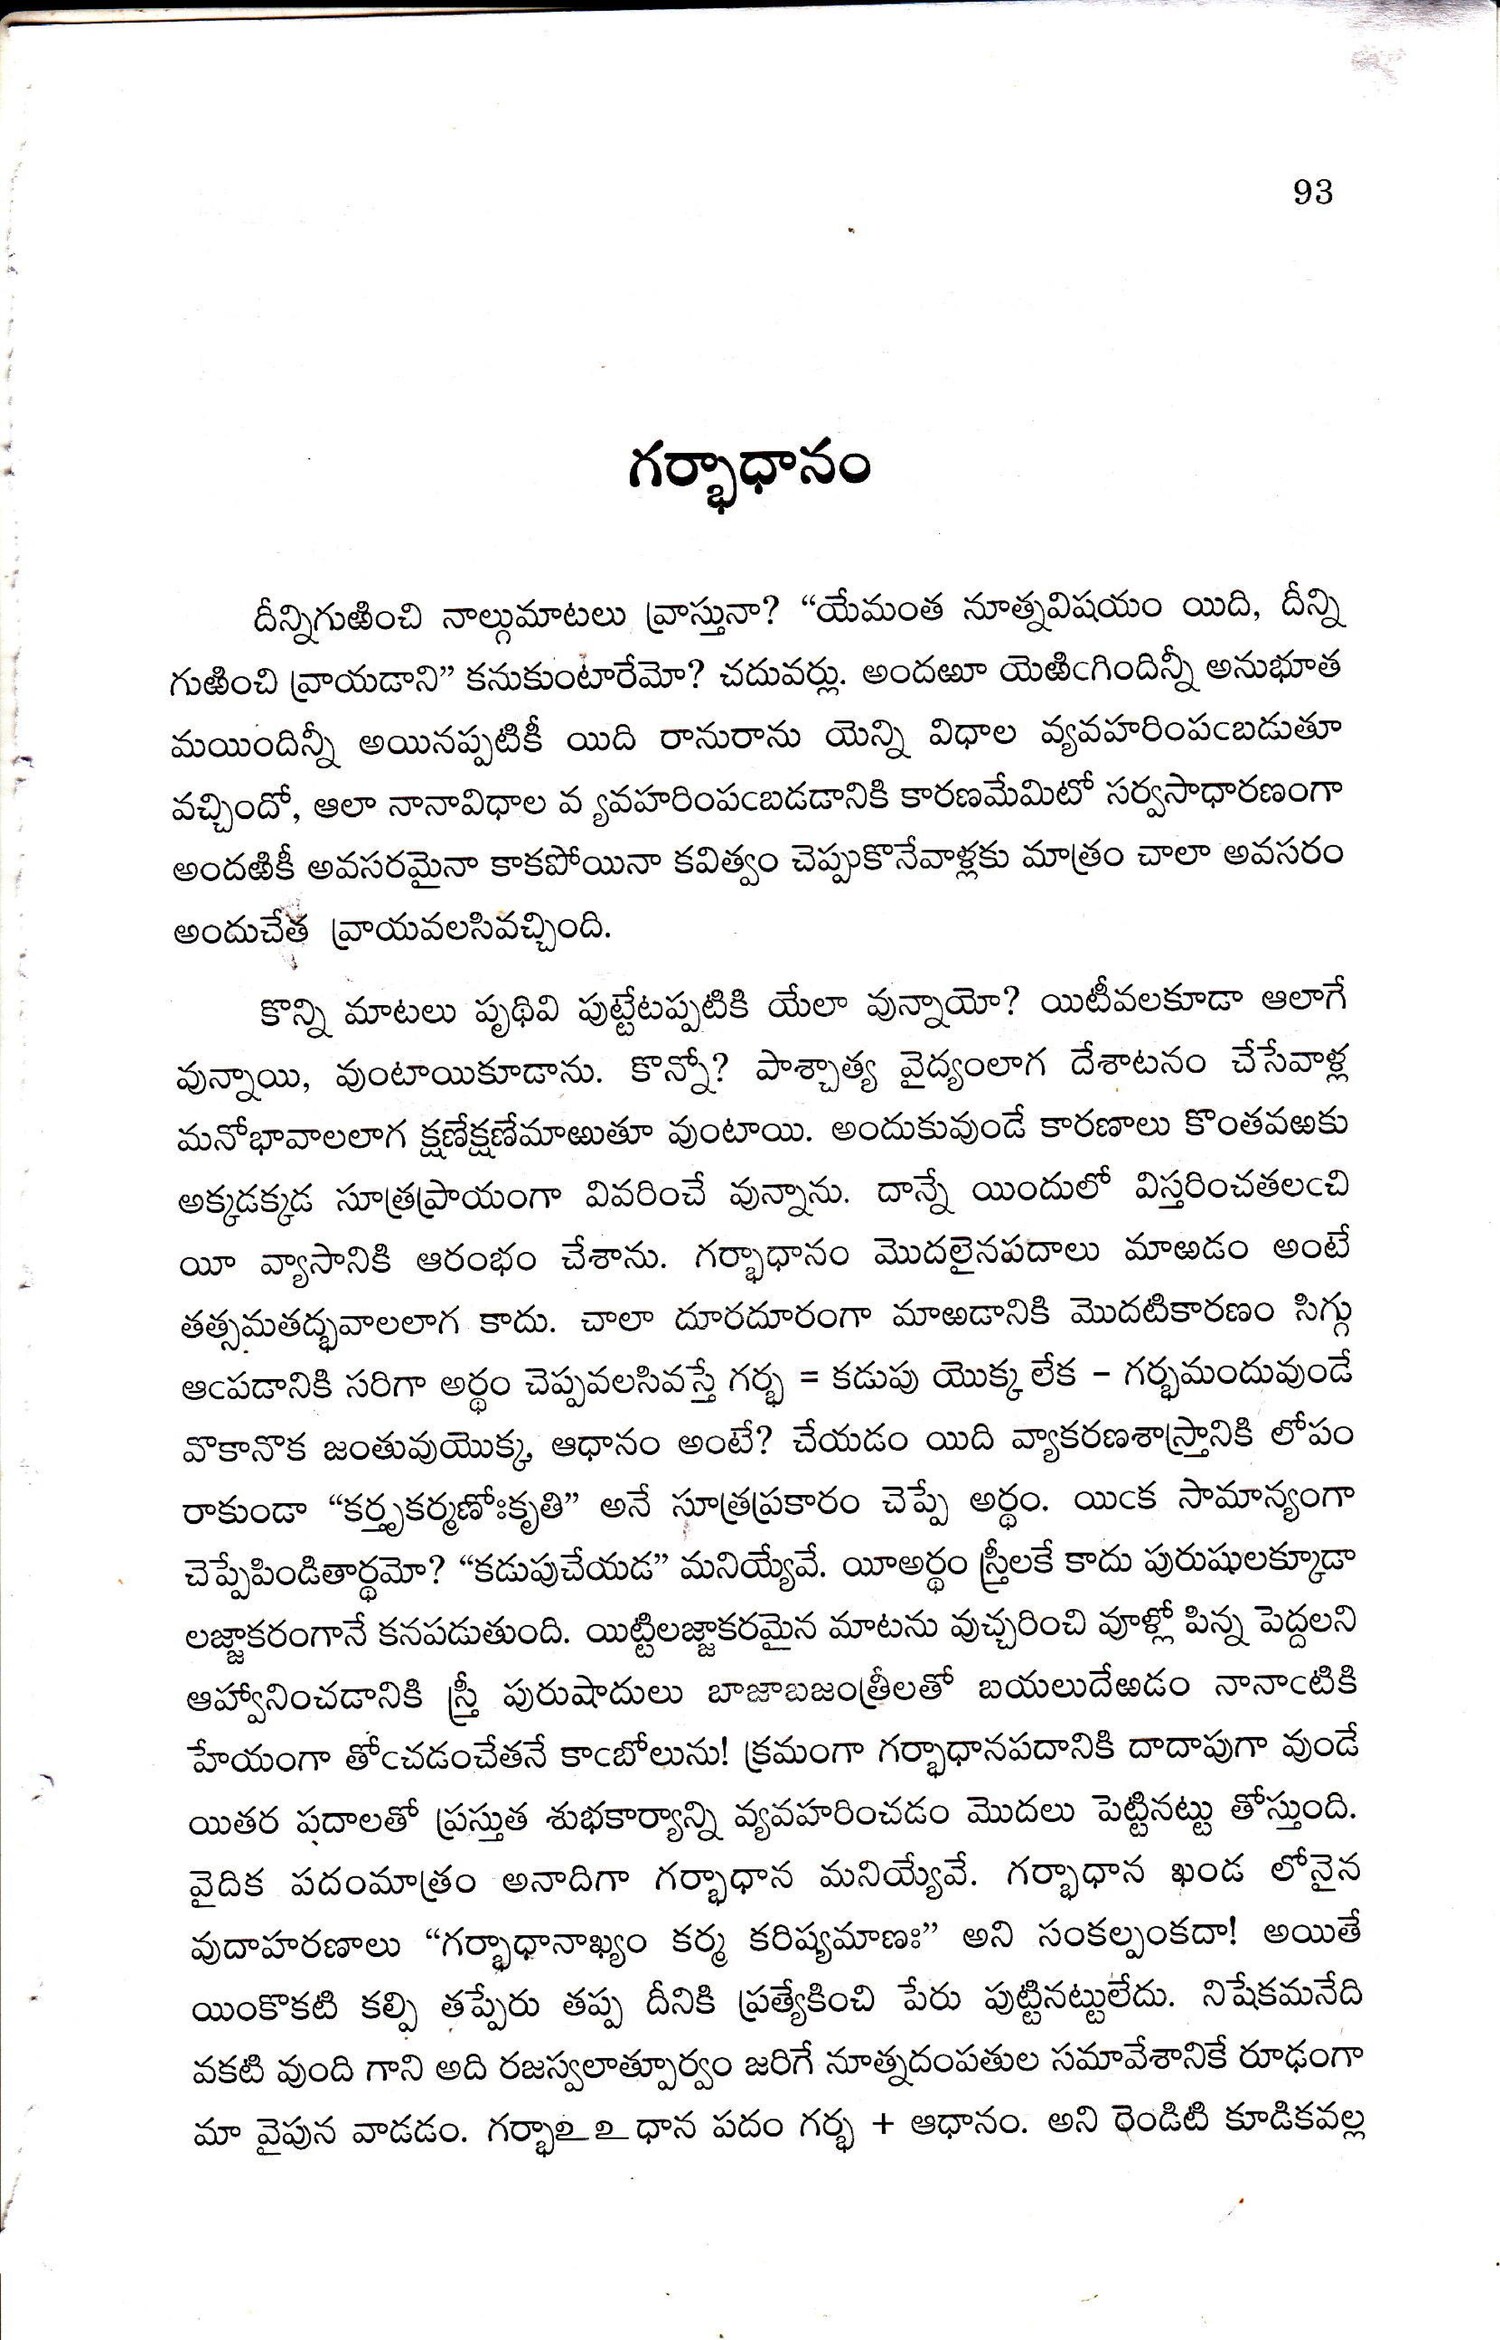దీన్నిగుఱించి నాలుమాటలు వ్రాస్తునా? "యేమంత నూత్నవిషయం యిది, దీన్ని గుఱించి వ్రాయడాని" కనుకుంటారేమో? చదువర్లు. అందఱూ యెఱిఁగిందిన్నీ అనుభూత మయిందిన్నీ అయినప్పటికీ యిది రానురాను యెన్ని విధాల వ్యవహరింపఁబడుతూ వచ్చిందో, ఆలా నానావిధాల వ్యవహరింపఁబడడానికి కారణమేమిటో సర్వసాధారణంగా అందఱికీ అవసరమైనా కాకపోయినా కవిత్వం చెప్పకొనేవాళ్లకు మాత్రం చాలా అవసరం అందుచేత వ్రాయవలసివచ్చింది.

కొన్ని మాటలు పృథివి పుట్టేటప్పటికి యేలా వున్నాయో? యిటీవలకూడా ఆలాగే వున్నాయి, వుంటాయికూడాను. కొన్నో పాశ్చాత్య వైద్యంలాగ దేశాటనం చేసేవాళ్ల మనోభావాలలాగ క్షణేక్షణేమాఱుతూ వుంటాయి. అందుకువుండే కారణాలు కొంతవఱకు అక్కడక్కడ సూత్రప్రాయంగా వివరించే వున్నాను. దాన్నే యిందులో విస్తరించతలంచి యీ వ్యాసానికి ఆరంభం చేశాను. గర్భాధానం మొదలైనపదాలు మాఱడం అంటే తత్సమతద్భవాలలాగ కాదు. చాలా దూరదూరంగా మూల9డానికి మొదటికారణం సిగ్గు ఆంపడానికి సరిగా అర్థం చెప్పవలసివస్తే గర్భ = కడుపు యొక్క లేక - గర్భమందువుండే వొకానొక జంతువుయొక్క ఆధానం అంటే? చేయడం యిది వ్యాకరణశాస్తానికి లోపం రాకుండా “కర్తృకర్మణోఃకృతి" అనే సూత్రప్రకారం చెప్పే అర్థం. యింక సామాన్యంగా చెప్పేపిండితార్థమో? "కడుపుచేయడ" మనియ్యేవే. యీఅర్థం స్త్రీలకే కాదు పురుషులక్కూడా లజ్ఞాకరంగానే కనపడుతుంది. యిట్టిలజాకరమైన మాటను వుచ్చరించి వూట్లో పిన్న పెద్దలని ఆహ్వానించడానికి & పురుషాదులు బాజాబజంత్రీలతో బయలుదేఱడం నానాంటికి హేయంగా తోంచడంచేతనే కాcబోలును! క్రమంగా గర్భాధానపదానికి దాదాపుగా వుండే యితర పదాలతో ప్రస్తుత శుభకార్యాన్ని వ్యవహరించడం మొదలు పెట్టినట్టు తోస్తుంది. వైదిక పదంమాత్రం అనాదిగా గర్భాధాన మనియ్యేవే. గర్భాధాన ఖండ లోనైన వుదాహరణాలు “గర్భాధానాఖ్యం కర్మ కరిష్యమాణః" అని సంకల్పంకదా! అయితే యింకొకటి కల్పి తప్పేరు తప్ప దీనికి ప్రత్యేకించి పేరు పుట్టినట్టులేదు. నిషేకమనేది వకటి వుంది గాని అది రజస్వలాత్పూర్వం జరిగే నూత్నదంపతుల సమావేశానికే రూఢంగా మా వైపున వాడడం. గర్భాల_లి_ధాన పదం గర్భ + ఆధానం. అని రెండిటి కూడికవల్ల